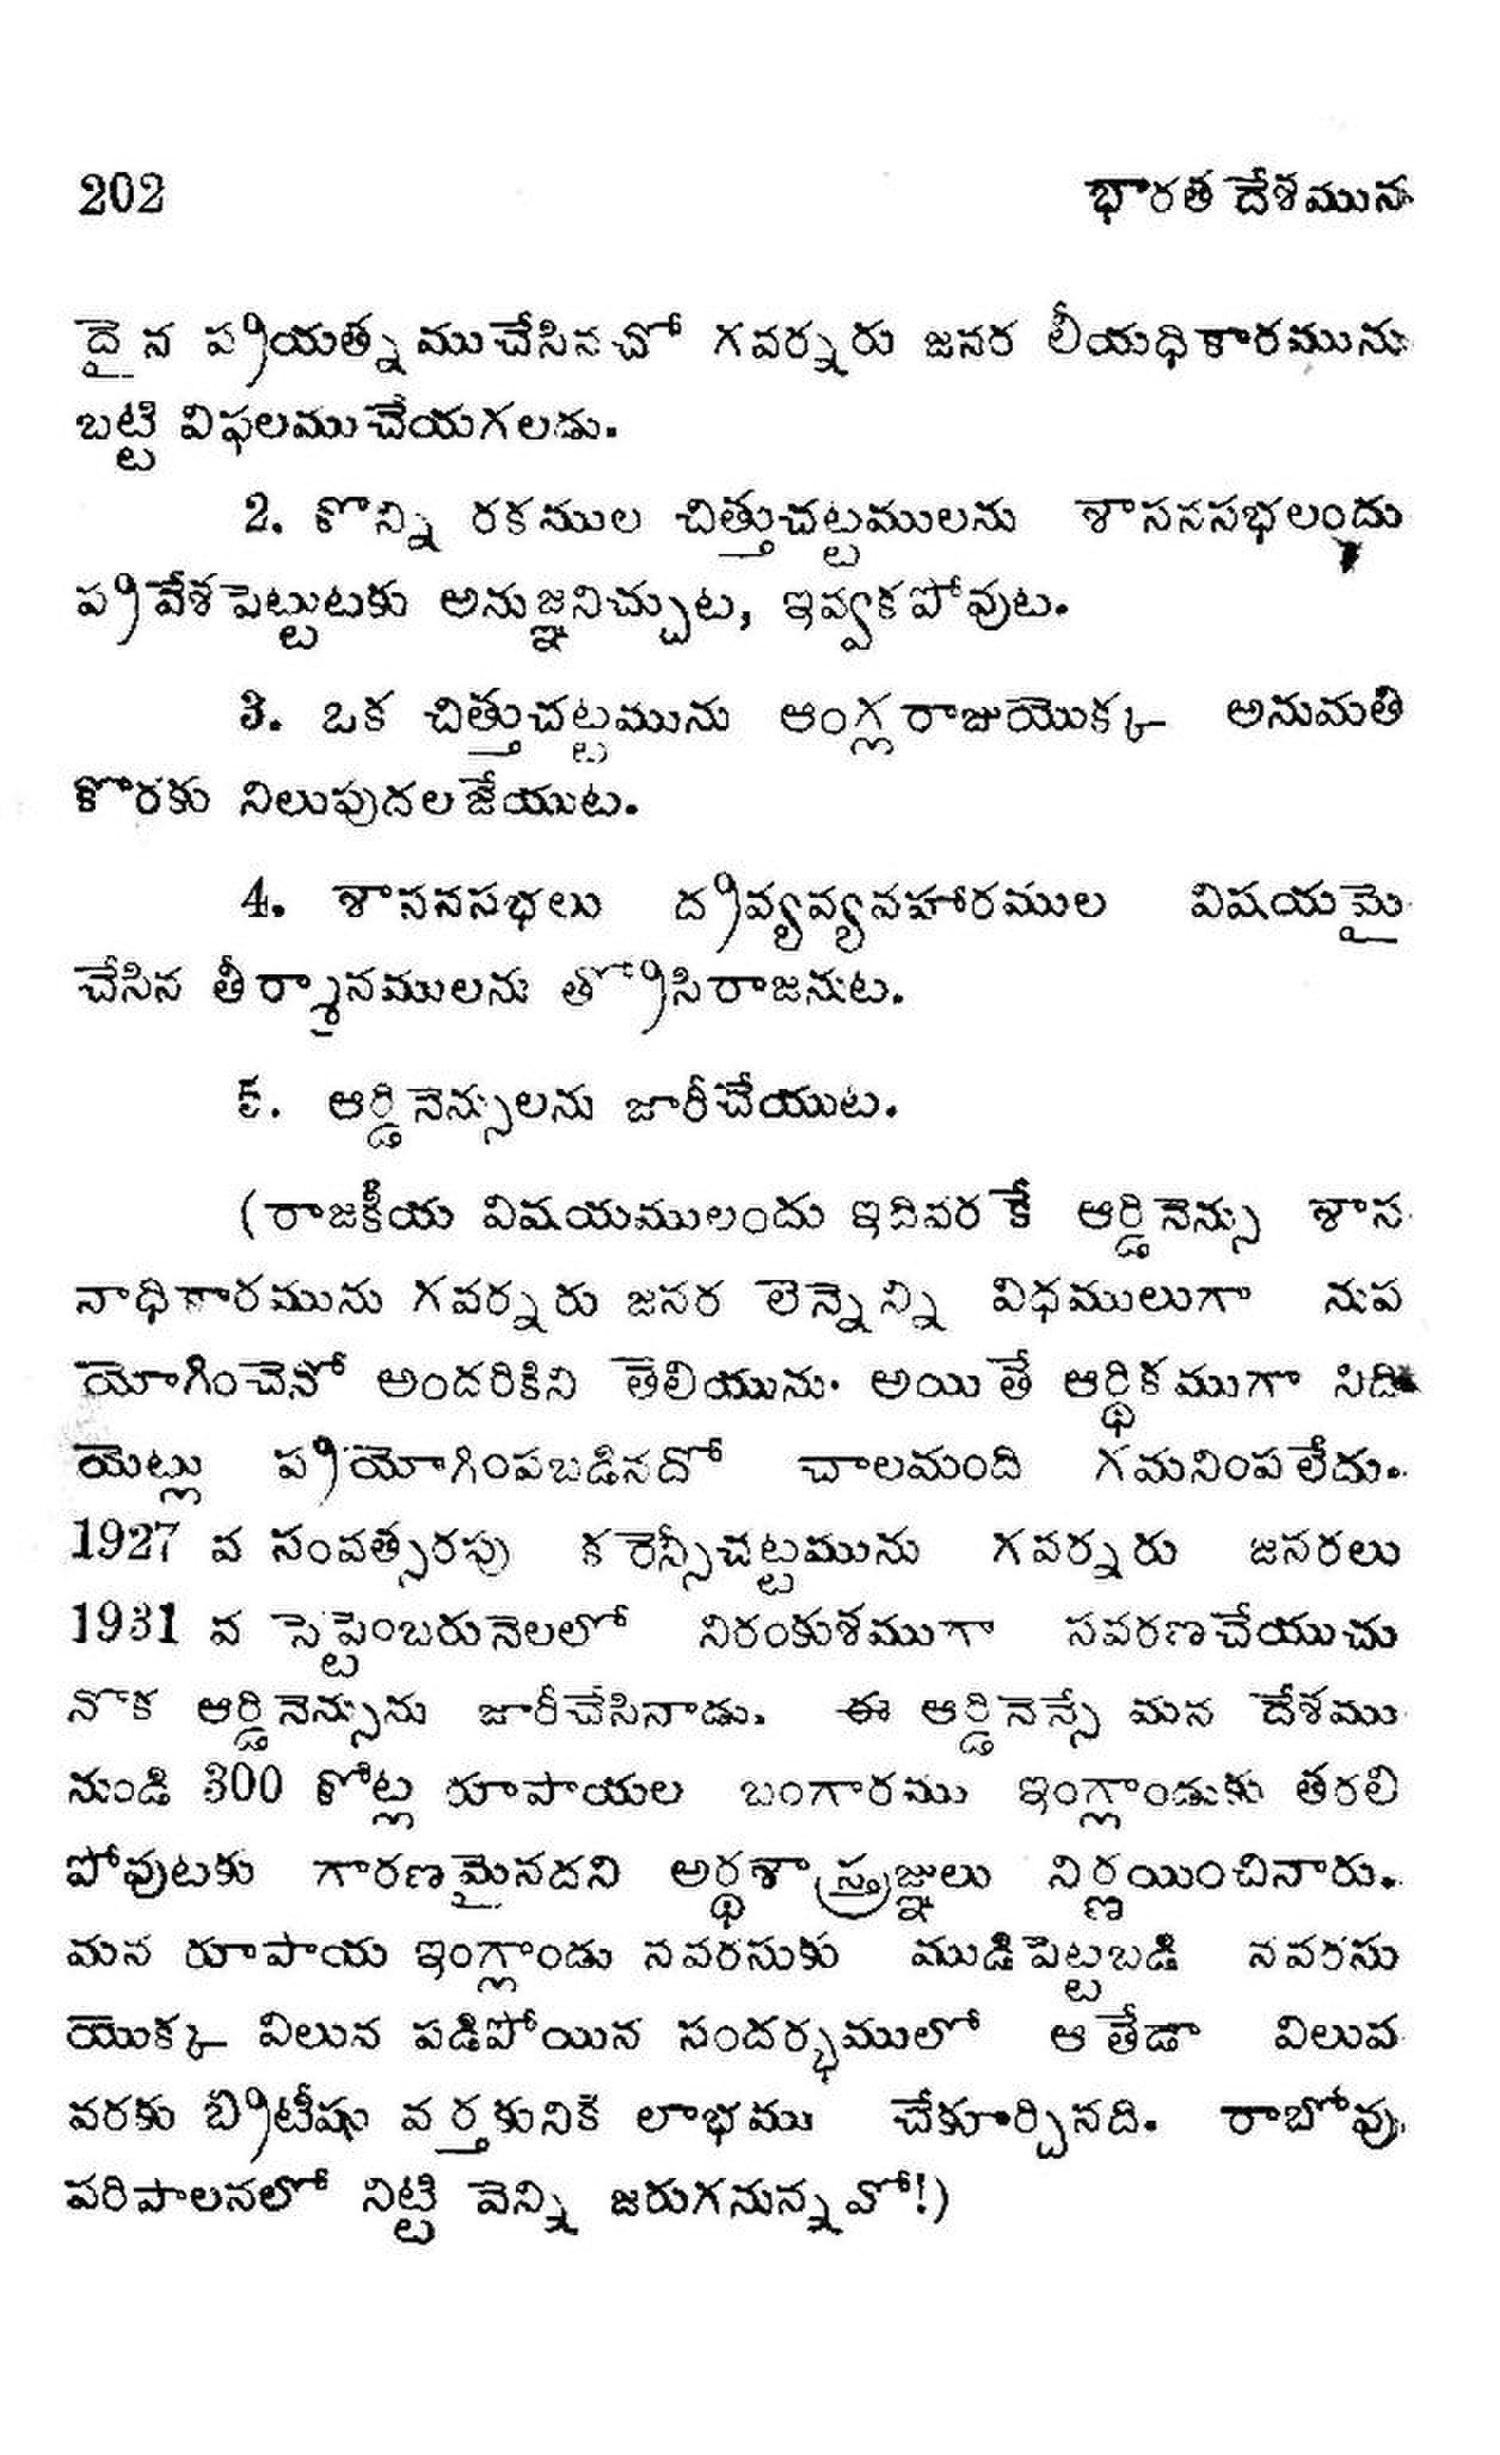దైన ప్రయత్నముచేసినచో గవర్నరు జనర లీయధికారమును బట్టి విఫలము చేయగలడు.

2. కొన్ని రకముల చిత్తుచట్టములను శాసససభలందు ప్రవేశపెట్టుటకు అనుజ్ఞనిచ్చుట, ఇవ్వక పోవుట.

3. ఒక చిత్తుచట్టమును ఆంగ్లరాజుయొక్క అనుమతికొరకు నిలుపుదలజేయుట.

4. శాసనసభలు ద్రవ్యవ్యవహారముల విషయమై చేసిన తీర్మానములను త్రోసిరాజనుట.

5. ఆర్డినెన్సులను జారీచేయుట.

(రాజకీయ విషయములందు ఇదివరకే ఆర్డినెన్సు శాసనాధికారమును గవర్నరు జనర లెన్నెన్ని విధములుగా నుపయోగించెనో అందరికిని తెలియును. అయితే ఆర్ధికముగా నిదియెట్లు ప్రయోగింపబడినదో చాలమంది గమనింపలేదు. 1927 వ సంవత్సరపు కరెన్సీచట్టమును గవర్నరు జనరలు 1931 వ సెప్టెంబరునెలలో నిరంకుశముగా సవరణచేయుచు నొక ఆర్డినెన్సును జారీచేసినాడు. ఈ ఆర్డినెన్సే మన దేశము నుండి 300 కోట్ల రూపాయల బంగారము ఇంగ్లాండుకు తరలిపోవుటకు గారణమైనదని అర్థశాస్త్రజ్ఞులు నిర్ణయించినారు. మన రూపాయ ఇంగ్లాండు నవరసుకు ముడిపెట్టబడి నవరసుయొక్క విలువ పడిపోయిన సందర్భములో ఆ తేడా విలువ వరకు బ్రిటీషు వర్తకునికి లాభము చేకూర్చినది. రాబోవు పరిపాలనలో నిట్టి వెన్ని జరుగనున్నవో!)